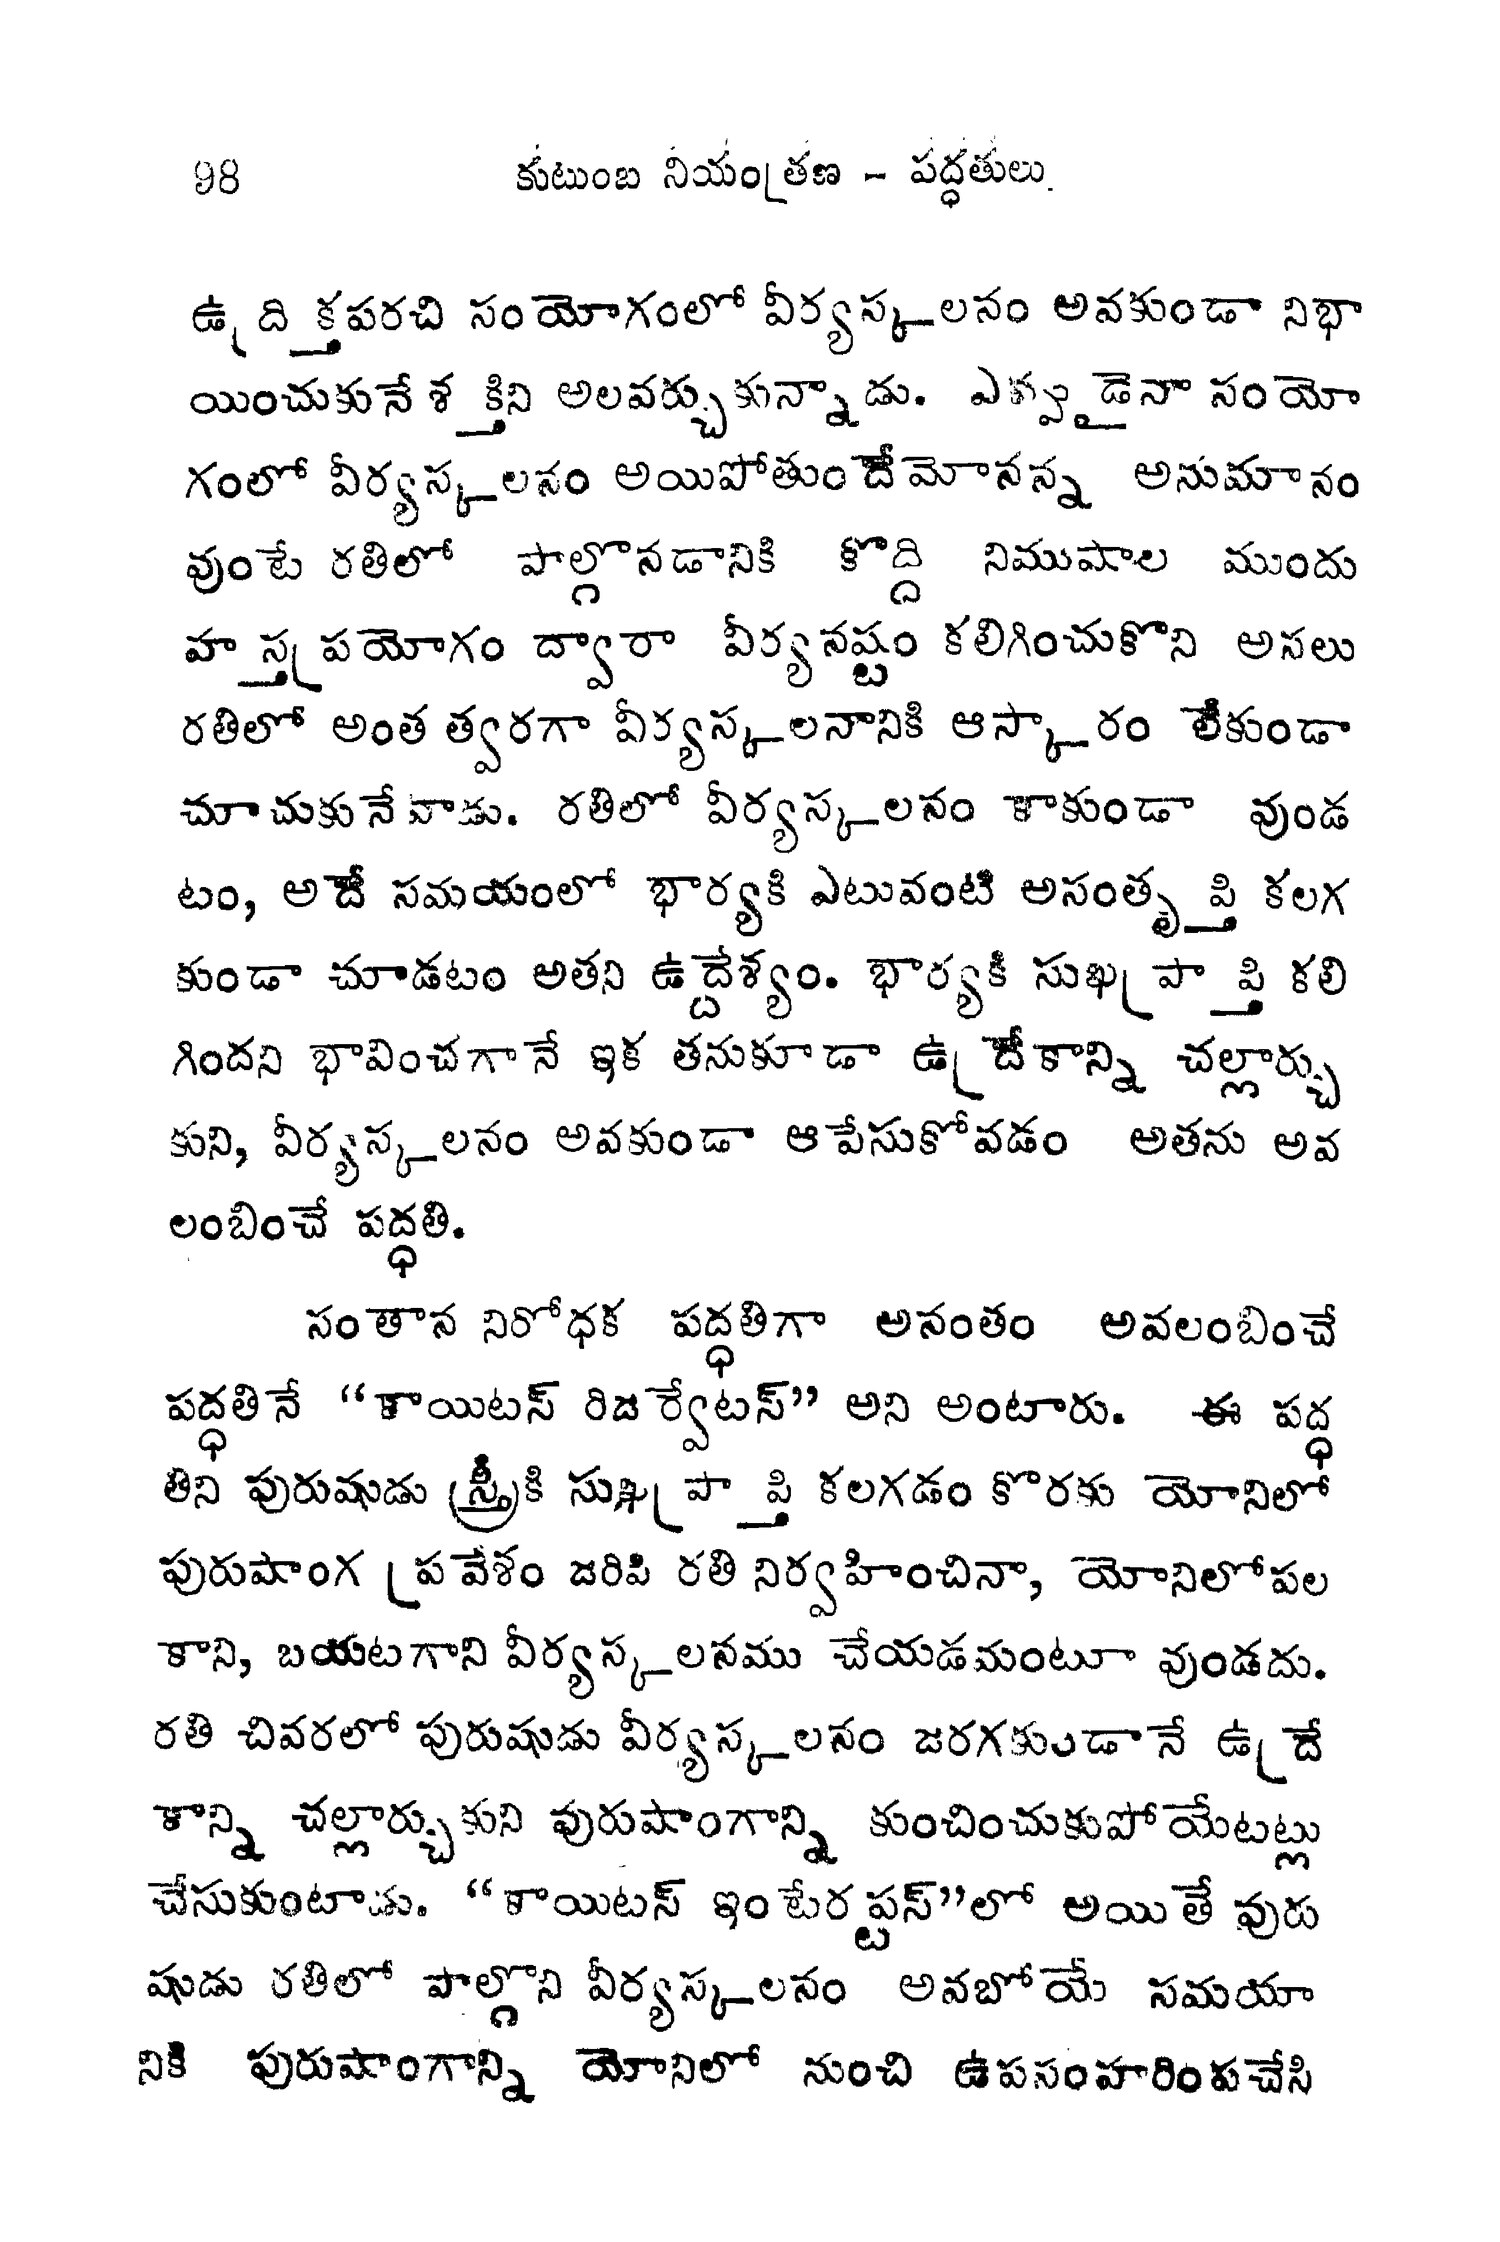ఉద్రిక్తపరచి సంయోగంలో వీర్యస్కలనం అవకుండా నిభాయించుకొనే శక్తిని అలవర్చుకున్నాడు. ఎప్పుడైనా సంయోగంలో వీర్యస్కలనం అయిపొతుందేమోనన్న అనుమానం వుంటే రతిలో పాల్గొనడానికి కొద్దినిముషాల ముందు హస్తప్రయొగం ద్వారా వీర్యనష్టం కలిగించుకొని అసలు రతిలో అంత త్వరగా వీర్యస్కలనానికి ఆస్కారం లేకుండా చూచుకునేవాడు. రతిలో వీర్యస్కలనం కాకుండా వుండటం, అదే సమయంలొ భార్యకి ఎటువంటి అసంతృప్తి కలగకుండా చూడటం అతని ఉద్దేశ్యం. బార్యకి సుఖప్రాప్తి కలిగిందని బావించగానే ఇక తనుకూడా ఉద్రేకాన్ని చల్లార్చుకుని, వీర్యస్కలనం అవకుండా ఆపేసుకొవడం అతను అవలంబించే పద్ధతి.

సంతాన నిరోధక పద్ధతిగా అనంతం అవలంబించే పద్ధతినే "కాయిటస్ రిజర్వేటస్ " అని అంటారు. ఈ పద్ధతిని పురుషుడు స్త్రీకి సుఖప్ర్రాప్తి కలగడం కొరకు యోనిలోపురుషాంగ ప్రవేశం జరిపి రతి నిర్వహించినా, యోనిలోపల కాని, బయటగాని వీర్యస్కలనము చేయడమంటూ వుండదు. రతి చివరలో పురుషుడు వీర్యస్కలనం జరగకుండానే ఉద్రేకాన్ని చల్లార్చుకుని పురుషాంగాన్ని కుంచించుకుపోయేటట్లు చేసుకుంటాడు. "కాయిటాస్ ఇంటేరప్టస్ " లో అయితే పురుషుడు రతిలో పాల్గొని వీర్యస్కలనం అవబొయే సమయానికి పురుషాంగాన్ని యోనిలో నుంచి ఉపసంహరింపచేసి